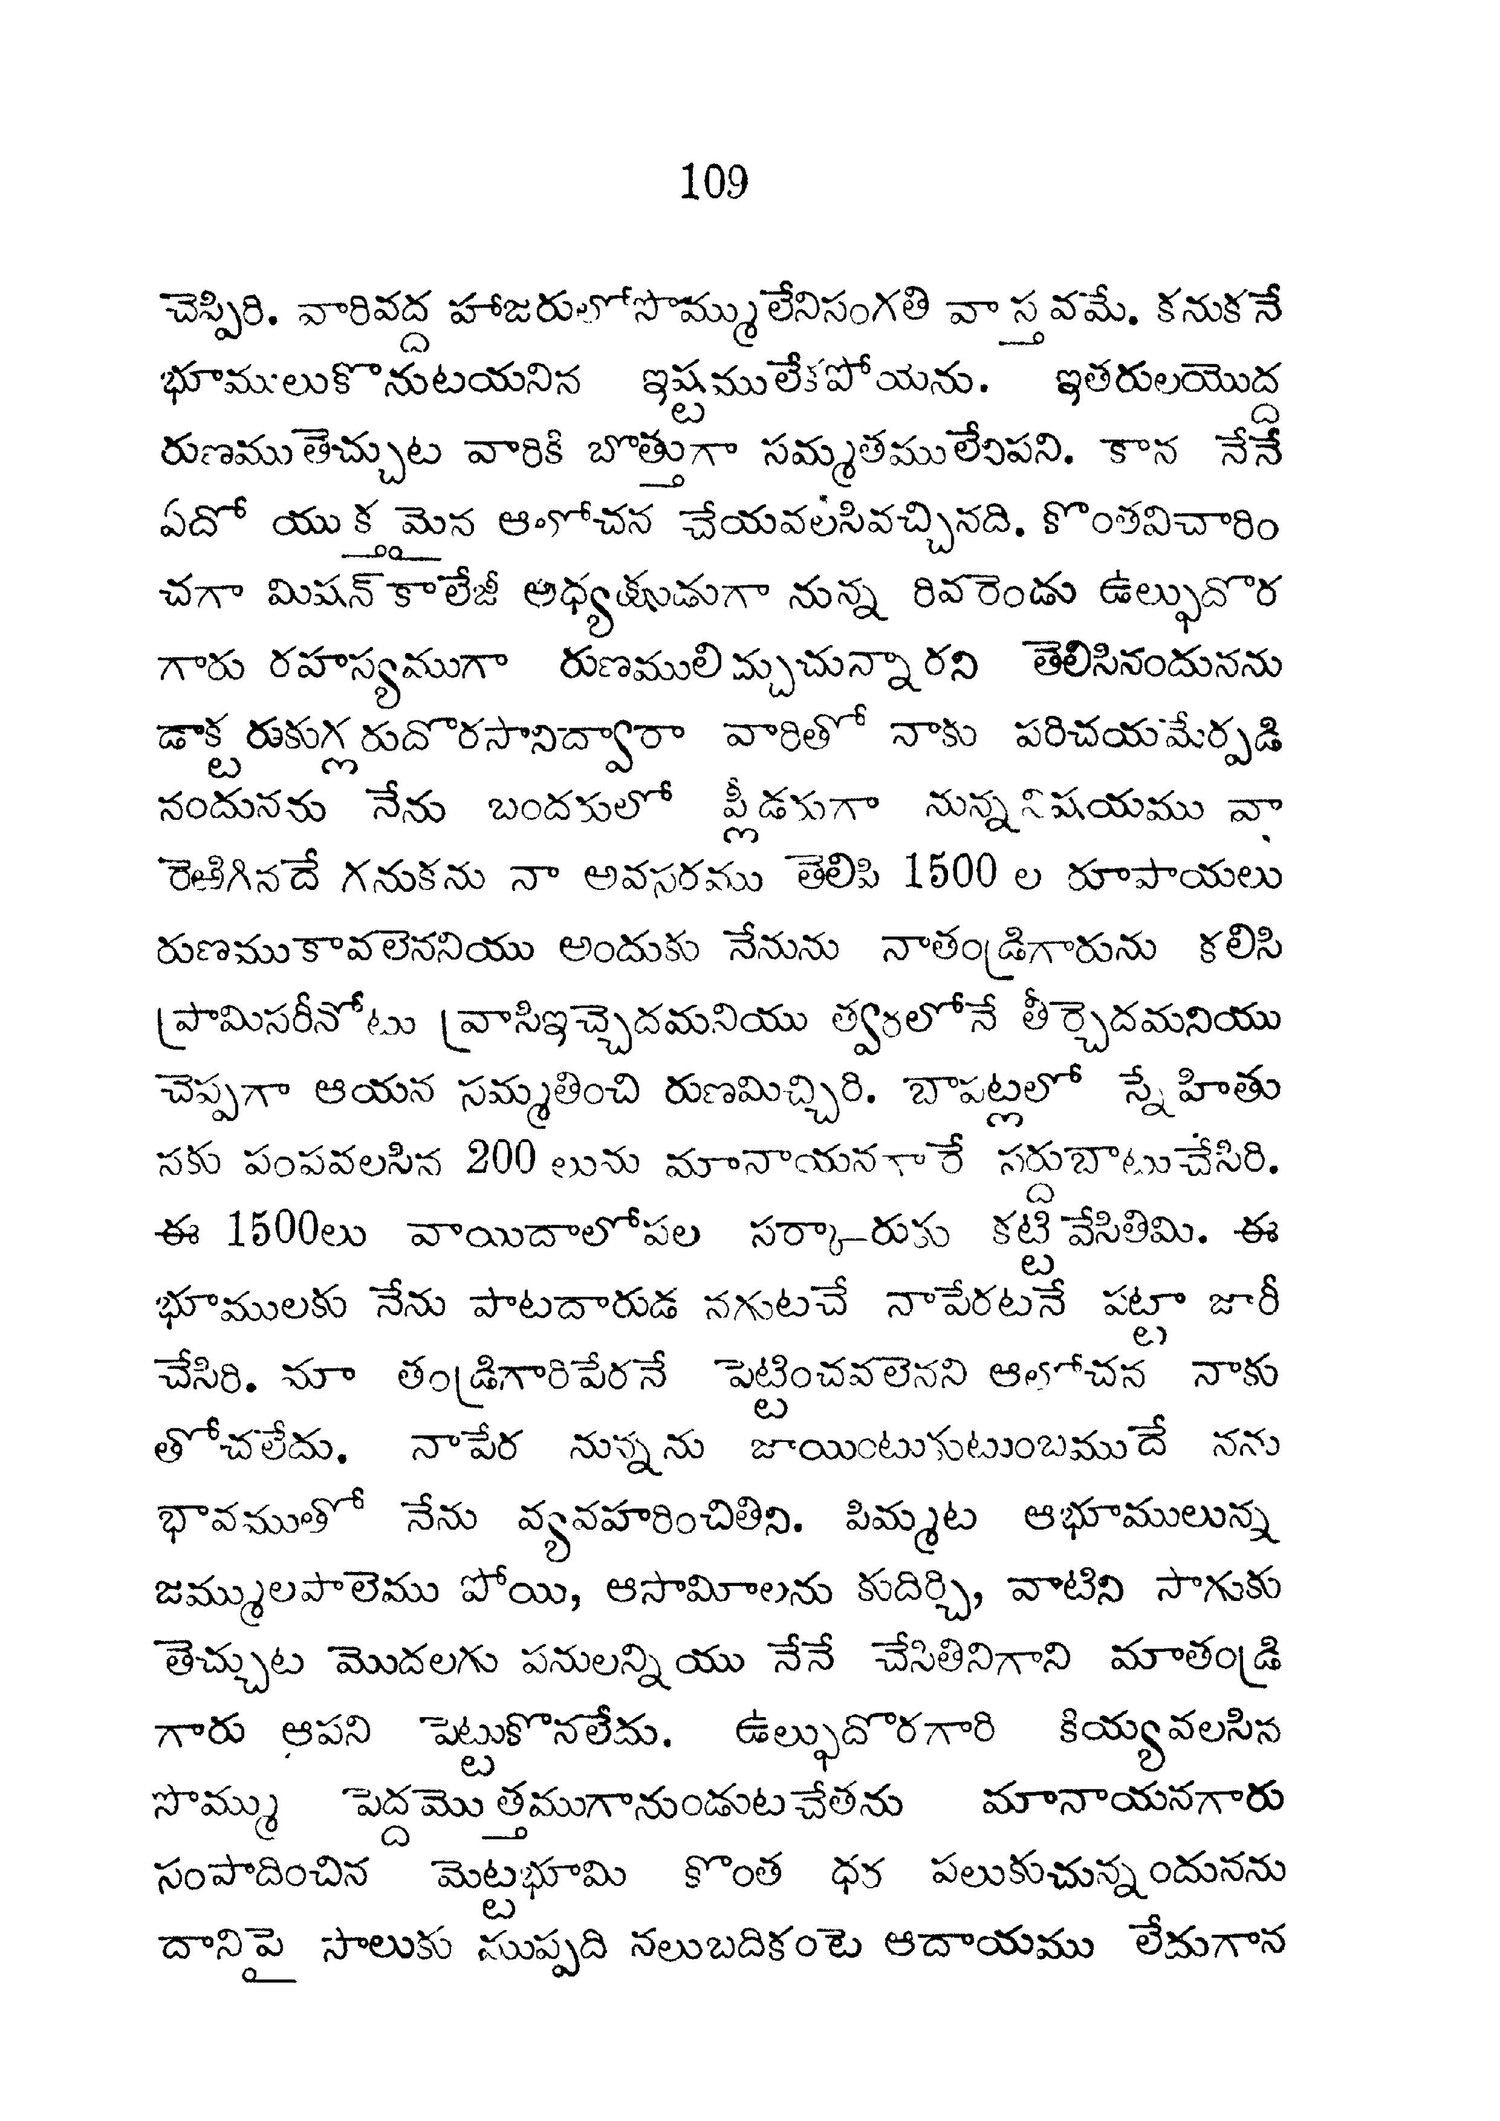చెప్పిరి. వారివద్ద హాజరులోసొమ్ములేనిసంగతి వాస్తవమే. కనుకనే భూములుకొనుటయనిన ఇష్టములేకపోయను. ఇతరులయొద్ద రుణముతెచ్చుట వారికి బొత్తుగా సమ్మతములేనిపని. కాన నేనే ఏదో యుక్తమైన ఆలోచన చేయవలసివచ్చినది. కొంతవిచారించగా మిష్న్‌కాలేజీ అధ్యక్షుడుగా నున్న రివరెండు ఉల్ఫుదొరగారు రహస్యముగ రుణములిచ్చుచున్నారని తెలిసినందునను డాక్టరుకుగ్లరుదొరసానిద్వారా వారితో నాకు పరిచయమేర్పడి నందునను నేను బందరులో ప్లీడరుగా నున్నవిషయము వా రెఱిగినదే గనుకను నా అవసరము తెలిపి 1500 ల రూపాయలు రుణముకావలెననియు అందుకు నేనును నాతండ్రిగారును కలిసి ప్రామిసరీనోటు వ్రాసిఇచ్చెదమనియు త్వరలోనే తీర్చెదమనియు చెప్పగా ఆయన సమ్మతించి రుణమిచ్చిరి. బాపట్లలో స్నేహితునకు పంపవలసిన 200 లును మానాయనగారే సర్దుబాటుచేసిరి. ఈ 1500 లు వాయిదాలోపల సర్కారుకు కట్టివేసితిమి. ఈ భూములకు నేను పాటదారుడ నగుటచే నాపేరటనే పట్టా జారీ చేసిరి. మా తండ్రిగారిపేరనే పెట్టించవలెనని ఆలోచన నాకు తోచలేదు. నాపేర నున్నను జాయింటుకుటుంబముదే నను భావముతో నేను వ్యవహరించితిని. పిమ్మట ఆభూములున్న జమ్ములపాలెము పోయి, ఆసామీలను కుదిర్చి, వాటిని సాగుకు తెచ్చుట మొదలగు పనులన్నియు నేనే చేసితినిగాని మాతండ్రిగారు ఆపని పెట్టుకొనలేదు. ఉల్ఫుదొరగారి కియ్యవలసిన సొమ్ము పెద్దమొత్తముగానుండుటచేతను మానాయనగారు సంపాదించిన మెట్టభూమి కొంత ధర పలుకుచున్నందునను దానిపై సాలుకు ముప్పది నలుబదికంటె ఆదాయము లేదుగాన